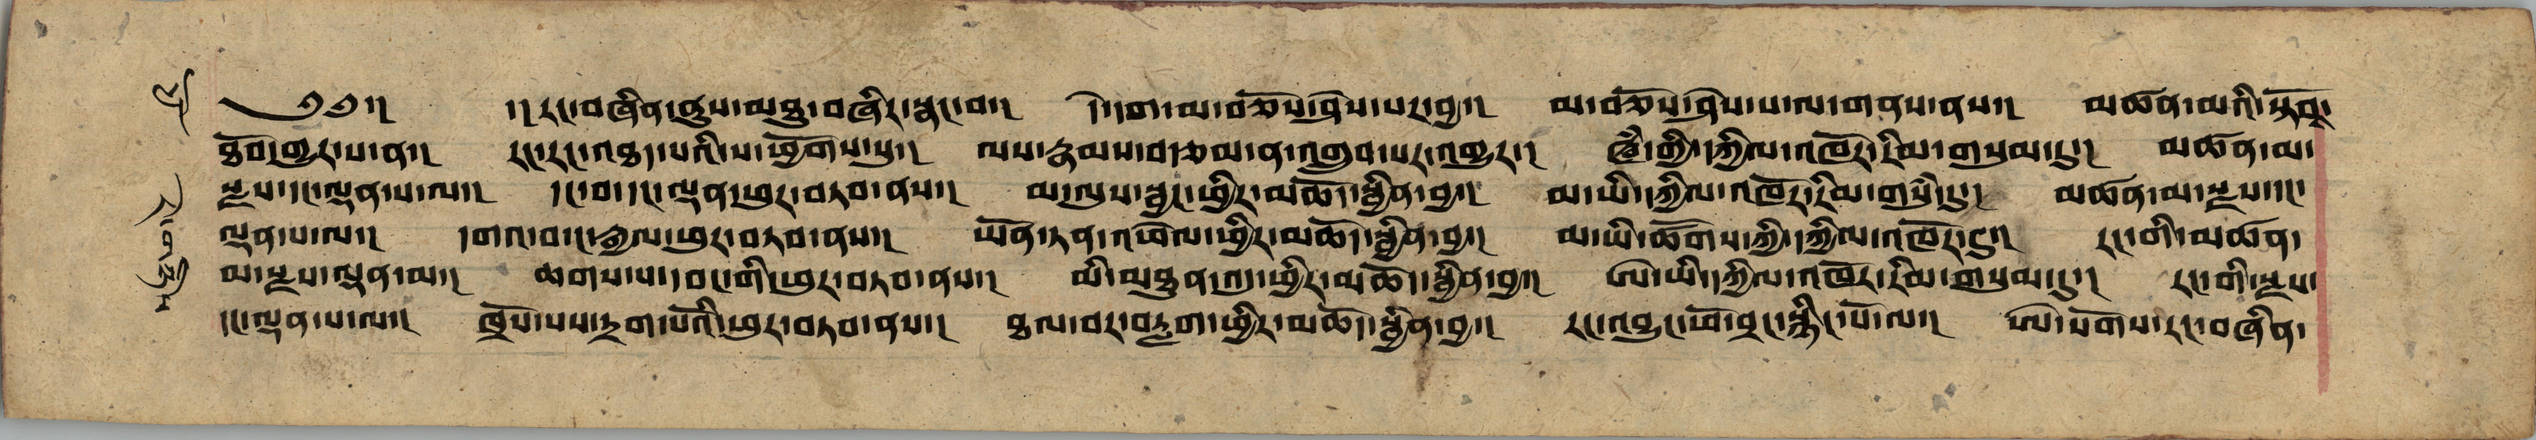༄༅་། ་།རང་བཞིན་ནུས་མཐུ་བཞིར་སྣང་བ་། དེ་དག་མ་བཅོས་ཤེས་པར་བྱ་། མ་བཅོས་ཤེས་པ་ལ་གནས་ནས་། མཚན་མའི་སྟོབས་
ཐོབ་གྱུར་པ་ན་། རང་རང་འཐད་པའི་ས་ཕྱོགས་སུ་། ལས་རྣམས་བརྩམ་ན་འགྲུབ་པར་འགྱུར་། ཝཾ་གྱི་དཀྱིལ་འཁོར་རིམ་གསུམ་དུ་། མཚན་མ་
སྫས་དང་ལྡན་པ་ལ་། དང་བ་དང་ལྡན་ཕུར་བཏབ་ནས་། མ་ལུས་སྦྱང་ཕྱིར་མཆོད་སྦྱིན་བྱ་། མ་ཡི་དཀྱིལ་འཁོར་རིམ་གསུཾ་དུ་། མཚན་མ་སྫས་དང་
ལྡན་པ་ལ་། དགའ་བ་ང་རྒྱལ་ཕུར་བཏབ་ནས་། ཡོན་ཏན་འཕེལ་ཕྱིར་མཆོད་སྦྱིན་བྱ་། མ་ཡི་ཚོགས་ཀྱི་དཀྱིལ་འཁོར་དུ་། རང་གི་མཚན་
མ་སྫས་ལྡན་མ་། ཆགས་པ་དབང་གི་ཕུར་བཏབ་ནས་། མི་མཐུན་འདུ་ཕྱིར་མཆོད་སྦྱིན་བྱ་། ཨེ་ཡི་དཀྱིལ་འཁོར་རིམ་གསུམ་དུ་། རང་གི་སྫས་
དང་ལྡན་པ་ལ་། ཁྲོས་པས་དྲག་པོའི་ཕུར་བཏབ་ནས་། ཐལ་བར་བརླག་ཕྱིར་མཆོད་སྦྱིན་བྱ་། རང་འབྱུང་ཕོ་བྲང་སྙིང་པོ་ལ་། ཨེ་སོགས་རང་བཞིན་